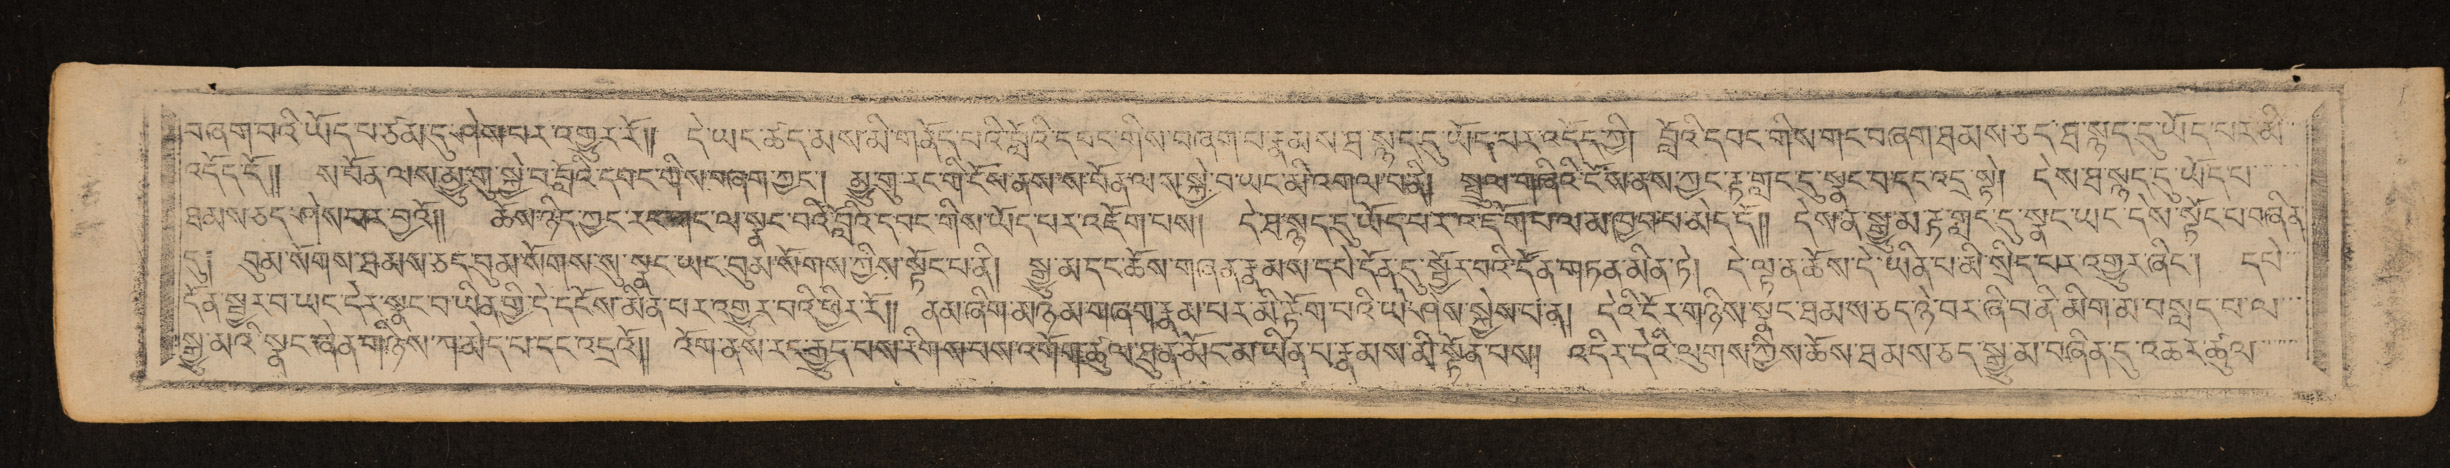བཞག་པའི་ཡོད་པ་ཙམ་དུ་ཤེས་པར་འགྱུར་རོ།། དེ་ཡང་ཚད་མས་མི་གནོད་པའི་བློའི་དབང་གིས་བཞག་པ་རྣམས་ཐ་སྙད་དུ་ཡོད་པར་འདོད་ཀྱི། བློའི་དབང་གིས་གང་བཞག་ཐམས་ཅད་ཐ་སྙད་དུ་ཡོད་པར་མི་
འདོད་དོ།། ས་བོན་ལས་མྱུ་གུ་སྐྱེ་བ་བློའི་དབང་གིས་བཞག་ཀྱང་། མྱུ་གུ་རང་གི་ངོས་ནས་ས་བོན་ལས་སྐྱེ་བ་ཡང་མི་འགལ་བ་ནི། སྤྲུལ་གཞིའི་ངོས་ནས་ཀྱང་རྟ་གླང་དུ་སྣང་བ་དང་འདྲ་སྟེ། དེས་ཐ་སྙད་དུ་ཡོད་པ་
ཐམས་ཅད་ཤེས་པར་བྱའོ།། ཆོས་ཉིད་ཀྱང་རང་གང་ལ་སྣང་བའི་བློའི་དབང་གིས་ཡོད་པར་འཇོག་པས། དེ་ཐ་སྙད་དུ་ཡོད་པར་འཇོག་པ་ལ་མ་ཁྱབ་པ་མེད་དོ།། དེས་ན་སྒྱུ་མ་རྟ་གླང་དུ་སྣང་ཡང་དེས་སྟོང་པ་བཞིན་
དུ། བུམ་སོགས་ཐམས་ཅད་བུམ་སོགས་སུ་སྣང་ཡང་བུམ་སོགས་ཀྱིས་སྟོང་པ་ནི། སྒྱུ་མ་དང་ཆོས་གཞན་རྣམས་དཔེ་དོན་དུ་སྦྱོར་བའི་དོན་གཏན་མིན་ཏེ། དེ་ལྟ་ན་ཆོས་དེ་ཡིན་པ་མི་སྲིད་པར་འགྱུར་ཞིང་། དཔེ་
དོན་སྦྱར་བ་ཡང་དེར་སྣང་བ་ཡིན་གྱི་དེ་དངོས་མིན་པར་འགྱུར་བའི་ཕྱིར་རོ།། ནམ་ཞིག་མཉམ་གཞག་རྣམ་པར་མི་རྟོག་པའི་ཡེ་ཤེས་སྐྱེས་པ་ན། དེའི་ངོར་གཉིས་སྣང་ཐམས་ཅད་ཉེ་བར་ཞི་བ་ནི་མིག་མ་བསླད་པ་ལ་
སྒྱུ་མའི་སྣང་ཞེན་གཉིས་ཀ་མེད་པ་དང་འདྲའོ།། འོག་ནས་རང་རྒྱུད་པས་རིགས་པས་འགོག་ཚུལ་ཐུན་མོང་མ་ཡིན་པ་རྣམས་མི་སྟོན་པས། འདིར་དེའི་ལུགས་ཀྱིས་ཆོས་ཐམས་ཅད་སྒྱུ་མ་བཞིན་དུ་འཆར་ཚུལ་